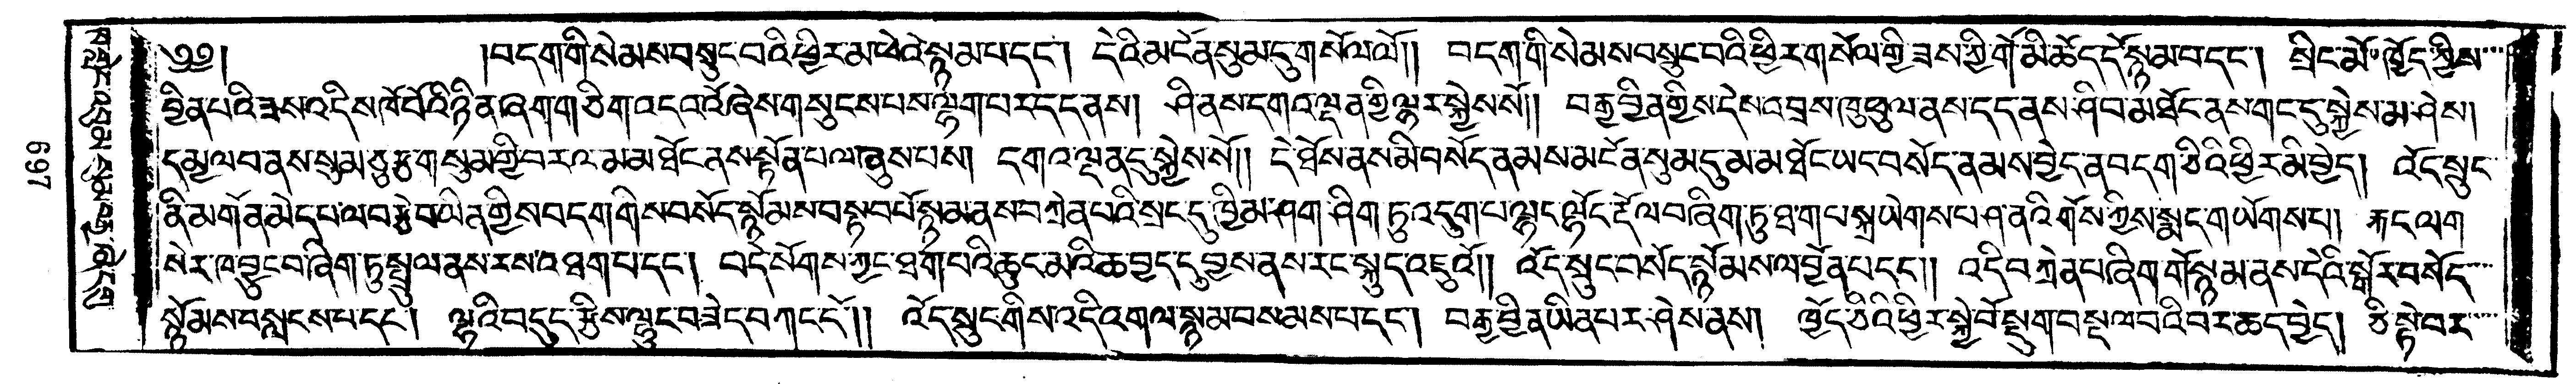༄༅། །བདག་གི་སེམས་བསྲུང་བའི་ཕྱིར་མ་ཕེའི་སྙམ་པ་དང་། དེའི་མངོན་སུམ་དུ་གསོལ་ལོ།། བདག་གི་སེམས་བསྲུང་བའི་ཕྱིར་གསོལ་གྱི་ཟས་ཀྱི་གོ་མི་ཆོད་དོ་སྙམ་པ་དང་། སྲིང་མོ་ཁྱོད་ཀྱིས་
བྱིན་པའི་ཟས་འདིས་ཁོ་བོའི་ཉིན་ཞག་གཅིག་འདའ་འོ་ཞེས་གསུངས་པས་ལྷག་པར་དད་ནས། ཤི་ནས་དགའ་ལྡན་གྱི་ལྷར་སྐྱེས་སོ།། བརྒྱ་བྱིན་གྱིས་དེས་འབྲས་ཁུ་ཕུལ་ནས་དད་ནས་ཤི་བ་མཐོང་ནས་གང་དུ་སྐྱེས་མ་ཤེས།
དམྱལ་བ་ནས་སུམ་ཅུ་རྩ་གསུམ་གྱི་བར་ལ་མ་མཐོང་ནས་སྟོན་པ་ལ་ཞུས་པས། དགའ་ལྡན་དུ་སྐྱེས་སོ།། དེ་ཐོས་ནས་མི་བསོད་ནམས་མངོན་སུམ་དུ་མ་མཐོང་ཡང་བསོད་ནམས་བྱེད་ན་བདག་ཅིའི་ཕྱིར་མི་བྱེད། འོད་སྲུང་
ནི་མགོན་མེད་པ་ལ་བརྩེ་བ་ཡིན་གྱིས་བདག་གིས་བསོད་སྙོམས་བསྟབ་པོ་སྙམ་ནས་བཀྲེན་པའི་སྲང་དུ་ཁྱིམ་ཤག་ཤིག་ཏུ་འདུག་པ་ལྷང་ལྷོང་རྡོལ་བ་ཞིག་ཏུ་ཐ་ག་པ་སྐྲ་ཡེགས་པ་ཤ་ནའི་གོས་ཀྱིས་སྨད་གཡོགས་པ། རྐང་ལག་
སེར་ཁ་བྱུང་བ་ཞིག་ཏུ་སྤྲུལ་ནས་རས་འཐག་པ་དང་། བདེ་སོགས་ཀྱང་ཐག་པའི་ཆུང་མའི་ཆ་བྱད་དུ་བྱས་ནས་རང་སྐུད་འཇུའོ།། འོད་སྲུང་བསོད་སྙོམས་ལ་བྱོན་པ་དང་། འདི་བཀྲེན་པ་ཞིག་གོ་སྙམ་ནས་དེའི་སྒོར་བསོད་
སྙོམས་བསླངས་པ་དང་། ལྷའི་བདུད་རྩིས་ལྷུང་བཟེད་བཀང་ངོ།། འོད་སྲུང་གིས་འདི་འགལ་སྙམ་བསམས་པ་དང་། བརྒྱ་བྱིན་ཡིན་པར་ཤེས་ནས། ཁྱོད་ཅིའི་ཕྱིར་སྐྱེ་བོ་སྡུག་བསྔལ་བའི་བར་ཆད་བྱེད། ཅི་སྟེ་བར་